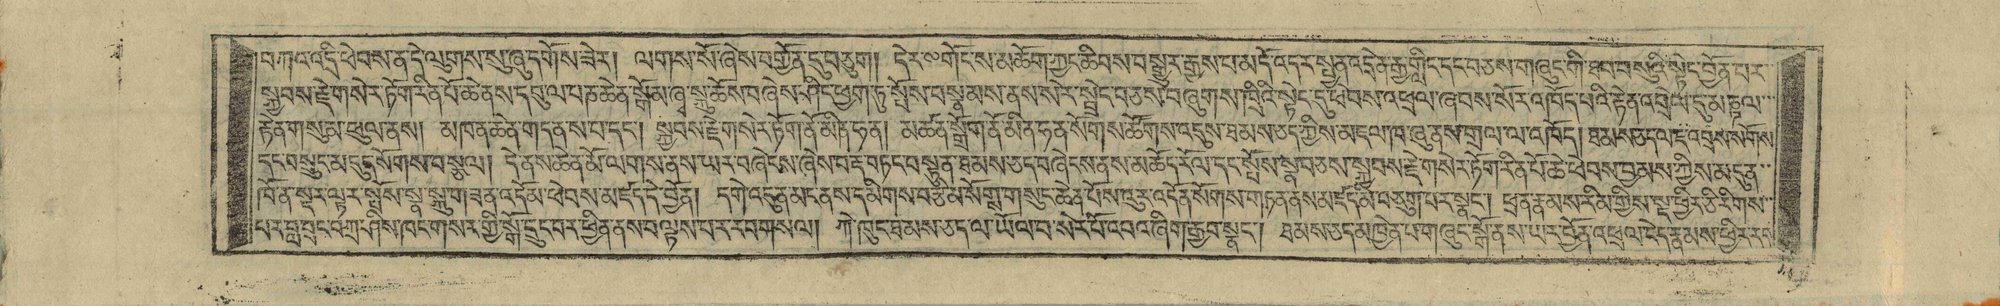བཀའ་འདྲི་ཕེབས་ན་དེ་ལུགས་སུ་ཞུ་དགོས་ཟེར། ལགས་སོ་ཞེས་བགྱོན་དུ་བཅུག །དེར་༧གོང་ས་མཆོག་ཀྱང་ཆིབས་བསྒྱུར་རྒྱས་པ་མདོ་འདར་སྤྱན་འདྲེན་རྒྱ་གླིང་དང་བཅས་གཞུང་གི་ཐབ་བསུའི་སྟེང་བྱོན་པར་
སྐྱབས་རྗེ་གསེར་ཏོག་རིན་པོ་ཆེ་ནས་དབུ་ལ་པཎ་ཆེན་སྒོམ་ཞྭ་སྐུ་ཆོས་བཞེས་ཤིང་ཕྱག་ཏུ་སྤོས་བསྣམས་ནས་སེར་སྦྲེང་བཅས་བཞུགས་ཁྲིའི་སྟེང་དུ་ཕེབས་འཕྲལ་ཞབས་སོར་འཁོད་པའི་རྟེན་འབྲེལ་དུ་མཎྜལ་
རྟེན་གསུམ་ཕུལ་ནས། མཁན་ཆེན་གདན་ས་པ་དང་། སྐྱབས་རྗེ་གསེར་ཏོག་ནོ་མིན་ཧན། མཚན་སྒྲོག་ནོ་མིན་ཧན་སོགས་ཚོགས་འདུས་ཐམས་ཅད་ཀྱིས་མཇལ་ཁ་ཞུ་ནས་གྲལ་ལ་འཁོད། ཐམས་ཅད་ལ་ཇ་འབྲས་སོགས་
དང་བསྲུང་མདུད་སོགས་བསྩལ། དེ་ནས་ཆེན་མོ་ལགས་ནས་ཡར་བཞེངས་ཞེས་བརྡ་བཏང་བསྟུན་ཐམས་ཅད་བཞེངས་ནས་མཆོད་རོལ་དང་སྤོས་སྣ་བཅས་སྐྱབས་རྗེ་གསེར་ཏོག་རིན་པོ་ཆེ་ཕེབས་བྱམས་ཀྱིས་མདུན་
ཁོ་ན་སྔར་ལྟར་སྤོས་སྣ་སྐུ་གཟན་འདོམ་ཕེབས་མཛད་དེ་བྱོན། དགེ་འདུན་མང་ནས་དམིགས་བརྩིམ་སོགས་གསུང་ཆེན་པོས་འུར་འདོན་སོགས་གཏན་ནས་མཛད་མི་བཅུག་པར་སྣང་། ཕྲན་རྣམས་རིམ་གྱིས་སྔ་ཕྱིར་ཅི་རིགས་
པར་བླ་བྲང་བཀྲ་ཤིས་ཁང་གསར་གྱི་སྒོ་དྲུང་བར་ཕྱིན་ནས་བལྟས་པར་རབ་གསལ། ཀེ་ཁུང་ཐམས་ཅད་ལ་ཡོལ་བ་སེར་པོ་འབའ་ཞིག་རྒྱབ་སྣང་། ཐམས་ཅད་མཁྱེན་པ་གཞུང་སྒོ་ནས་ཡར་བྱོན་འཕྲལ་ངེད་རྣམས་ཕྱིར་རང་